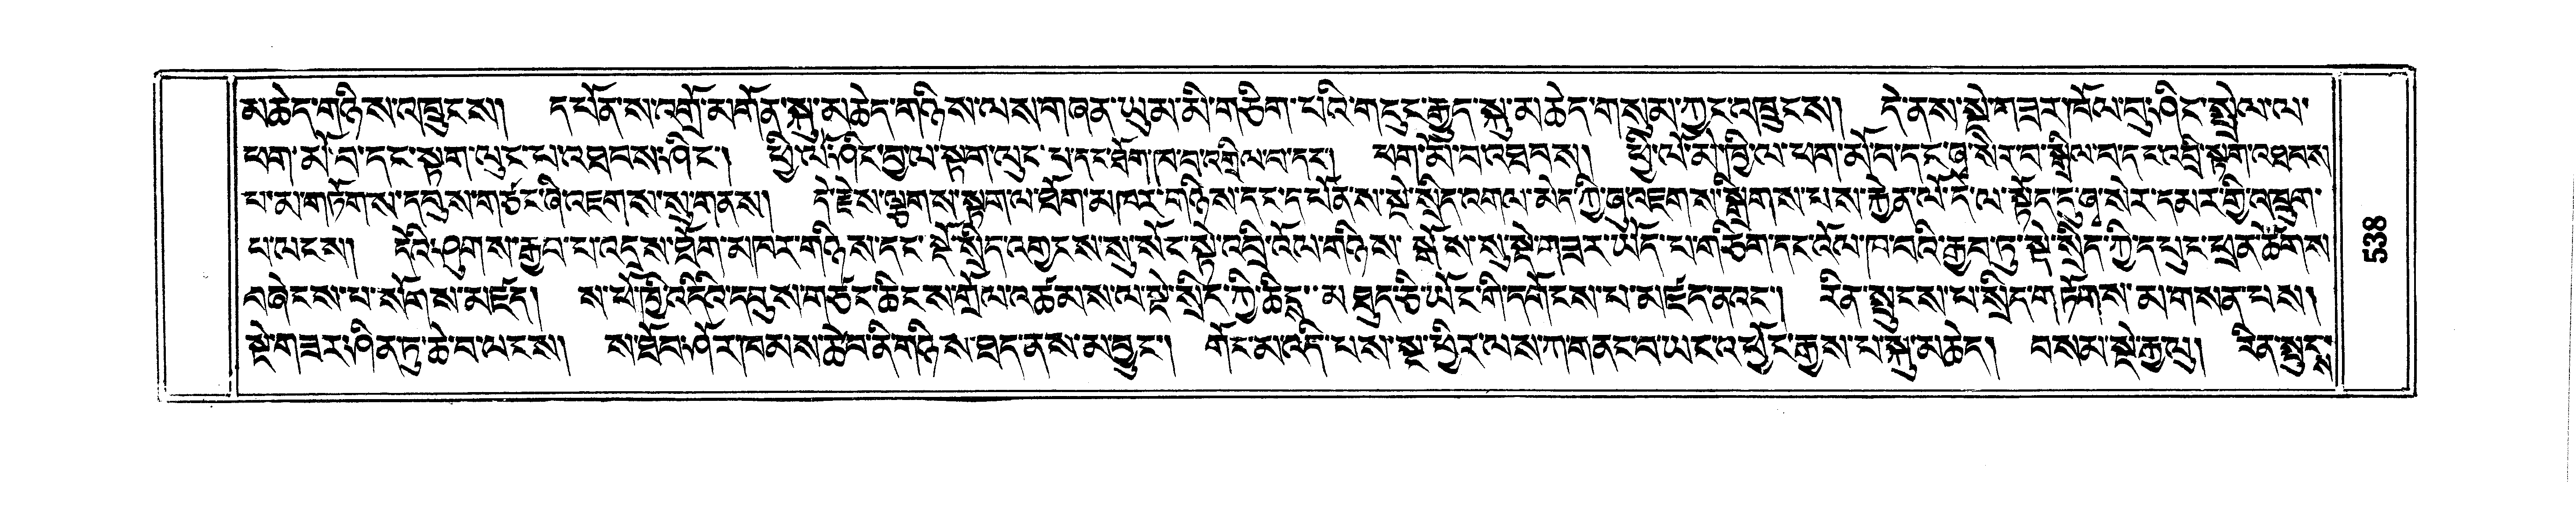མཆེད་གཉིས་འཁྲུངས། དཔོན་ས་འགྲོ་མགོན་སྐུ་མཆེད་གཉིས་ལས་གཞན་ཡུམ་མི་གཅིག་པའི་གདུང་རྒྱུད་སྐུ་མཆེད་གསུམ་ཀྱང་འཁྲུངས། དེ་ནས་སྡེ་གཟར་ཁོལ་བུ་ཤིང་སྤྲེལ་ལ་
ཕག་མོ་བ་དང་སྟག་ལུང་པ་འཐབས་ཤིང་། ཕྱི་ལོ་ཤིང་བྱ་ལ་སྟག་ལུང་པ་དང་ཐོག་ཁ་བ་འགྲིལ་བ་དང་། ཕག་མོ་བ་འཐབས། ཕྱི་ལོ་མེ་ཁྱི་ལ་ཕག་མོ་བ་དང་ཞྭ་སེར་བ་སྒྲིལ་བ་དང་འབྲི་སྟག་འཐབས་
པ་མ་གཏོགས་དབུས་གཙང་ཞི་འཇགས་སུ་གནས། དེ་རྗེས་ལྕགས་སྟག་ལ་ཐོག་མཁར་གཉིས་དང་དཔོན་ས་སྡེ་སྲིད་འགལ་མེད་ཀྱི་ཞུ་འཇགས་སྒྲིགས་པས་རྐྱེན་ལོ་དེ་ལ་སྟོད་དུ་ཞྭ་སེར་དམར་གྱི་འཁྲུག་
པ་ལངས། དེའི་ཤུགས་རྒྱབ་པ་འདྲས་ཐོག་མཁར་གཉིས་དང་སྡོ་སྲིད་འགྱངས་སུ་སོང་སྟེ་འབྲི་འོལ་གཉིས་སྒོས་སུ་སྡེ་གཟར་ཡོད་པ་གཅིག་དང་འོལ་ཁ་བའི་རྒྱབ་ཏུ་སྡེ་སྲིད་ཀྱི་དཔུང་ཕྲན་ཚོགས་
བཞེངས་པ་སོགས་མཛད། ས་ཕོ་ཁྱི་འདིའི་དབུས་གཙང་ཆིངས་གྲོལ་འཚམས་ལ་སྡེ་སྲིད་ཀྱི་ཆིངས་མཐུད་ཅི་ཡོང་གི་དགོངས་པ་མཛད་ནའང་། རིན་སྤུངས་པ་སྲིད་གཏོགས་མ་གསན་པས།
སྡེ་གཟར་ཤིན་ཏུ་ཆེ་བ་ལངས། ས་ཐོབ་ཤོར་ཁམས་ཆེ་བ་ནི་གཉིས་ཐད་ནས་མ་བྱུང་། གོང་མ་འདི་པས་སྔ་ཕྱིར་ལས་ཀ་གནང་བ་ཡང་འཕྱོང་རྒྱས་པ་སྐུ་མཆེད། བསམ་སྡེ་རྒྱ་ལུ། རིན་སྤུངས་